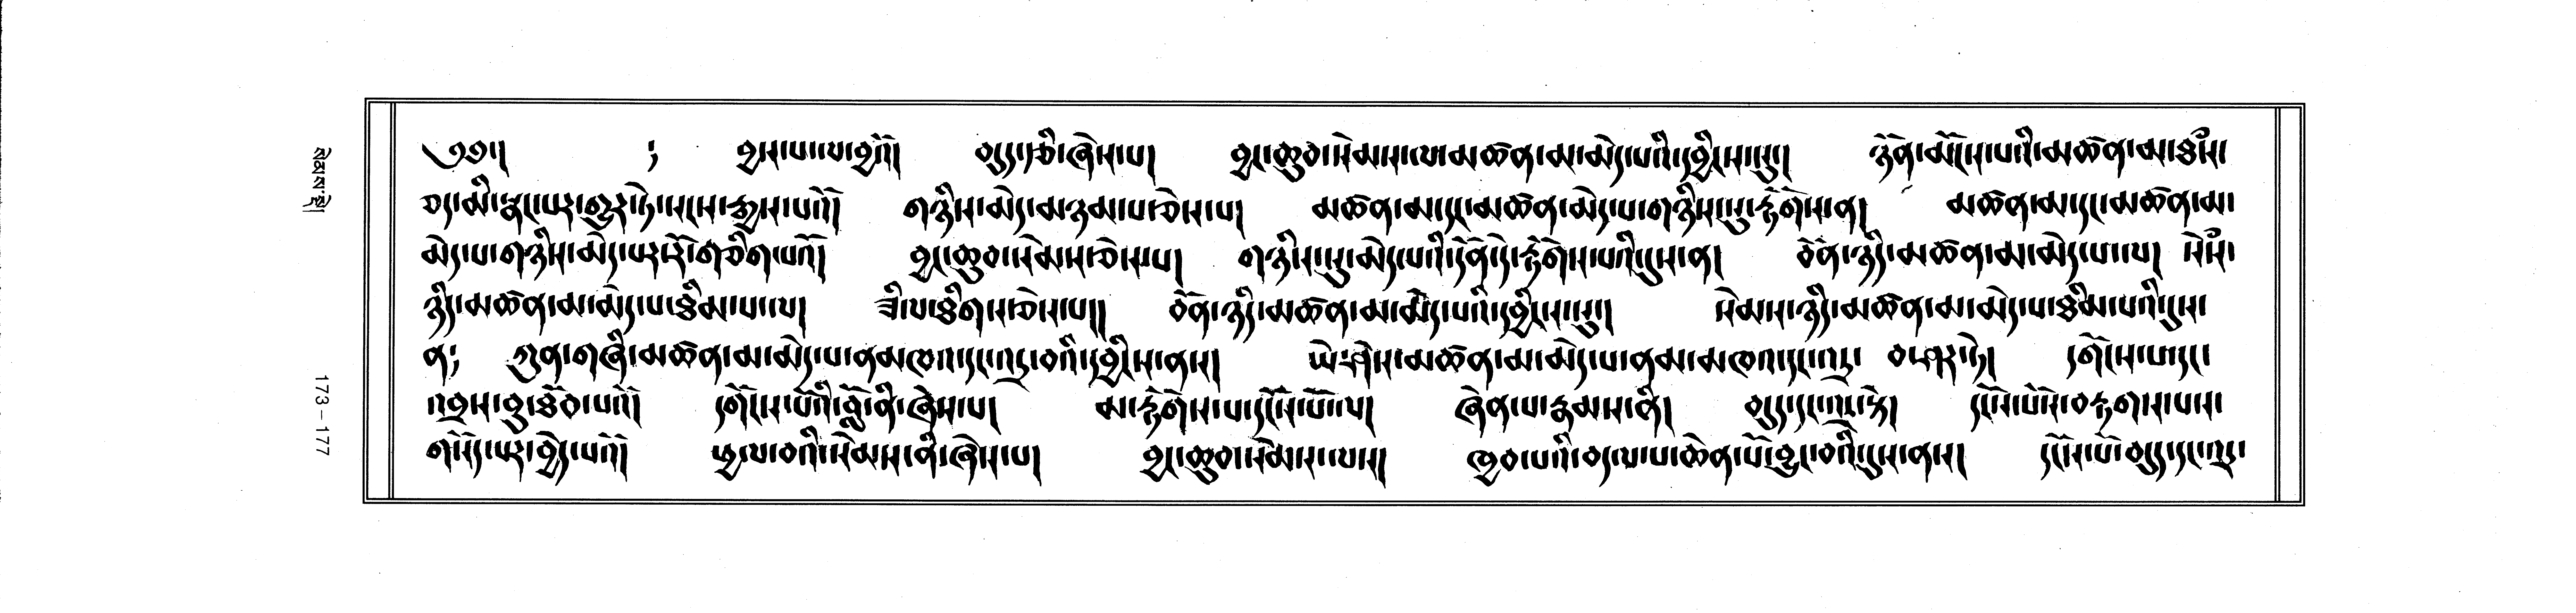བྱས་པ་ལ་བྱའོ། །བདུད་རྩི་ཞེས་པ། བྱང་ཆུབ་སེམས་ལ་མཚན་མ་མེད་པའི་དབྱིངས་སུ། ཉོན་མོངས་པའི་མཚན་མ་ཐམས་
ཅད་མི་སྣང་བར་གྱུར་ཏེ་སངས་རྒྱས་པའོ། །གཉིས་མེད་མཉམ་པ་ཅེས་པ། མཚན་མ་དང་མཚན་མ་མེད་པ་གཉིས་སུ་རྟོགས་ན། མཚན་མ་དང་མཚན་མ་
མེད་པ་གཉིས་སུ་མེད་པར་རོ་གཅིག་པའོ། །བྱང་ཆུབ་སེམས་ཅེས་པ། གཉིས་སུ་མེད་པའི་དོན་དེ་རྟོགས་པའི་དུས་ན། བོན་ཉིད་མཚན་མ་མེད་པ་ལ། སེམས་
ཉིད་མཚན་མ་མེད་པ་ཐིམ་པའོ། །ཟིལ་ཐིགས་ཅེས་པ། ། བོན་ཉིད་མཚན་མ་མེད་པའི་དབྱིངས་སུ། སེམས་ཉིད་མཚན་མ་མེད་པ་ཐིམ་པའི་དུས་
ན། ཀུན་གཞི་མཚན་མ་མེད་པ་ནམ་མཁའ་དང་འདྲ་བའི་དབྱིངས་ནས། ཡེ་ཤེས་མཚན་མ་མེད་པ་ནམ་མཁའ་དང་འདྲ་བ་ཤར་ཏེ། དགོངས་པ་དང་
འབྲས་བུ་ཐོབ་པའོ། །དགོངས་པའི་བློ་ནི་ཞེས་པ། མ་རྟོགས་པ་དངོས་ལ་ཞེན་པ་རྣམས་ནི། བདུད་དང་འདྲ་སྟེ། དངོས་པོས་བརྟགས་པས་
གསོད་པར་བྱེད་པའོ། །ཕྱལ་བའི་སེམས་ནི་ཞེས་པ། བྱང་ཆུབ་སེམས་ལས་ཁྱབ་པའི་བདལ་པ་ཆེན་པོ་བྱུང་བའི་དུས་ནས། དངོས་པོ་དང་འདྲ་